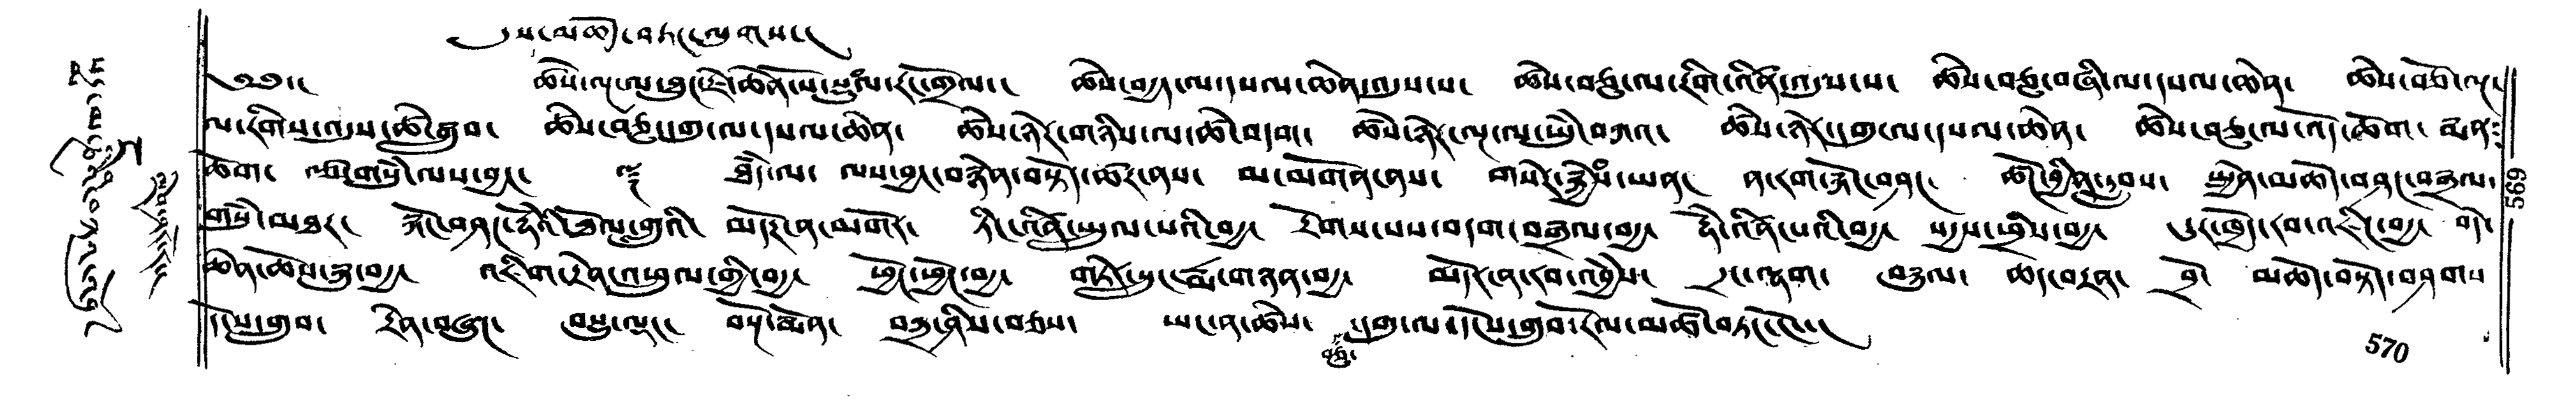དུས་མཆོད་གཏོང་ལུགས། ཚེས་ལྔ་ལ་ཐུགས་རྗེ་ཆེན་པོ་སྡུག་བསྔལ་མ་རང་གྲོལ། ཚེས་བརྒྱད་ལ་དཔལ་ཆེན་འདུས་པ། ཚེས་བཅུ་ལ་རིག་འཛིན་འདུས་པ། ཚེས་བཅུ་བཞི་ལ་དཔལ་ཆེན། ཚེས་བཅོ་ལྔ་
ལ་རིག་འདུས་ཚེ་སྒྲུབ། ཚེས་བཅུ་དགུ་ལ་དཔལ་ཆེན། ཚེས་ཉེར་གཉིས་ལ་ཚེ་བདག ཚེས་ཉེར་ལྔ་ལ་ཡུམ་བཀའ། ཚེས་ཉེར་དགུ་ལ་དཔལ་ཆེན། ཚེས་བཅུ་ལ་འོད་ཆོག སྨན་
ཆོག རྩ་གསུམ་ལས་བྱང་། ༈ ཐམས་ཅད་ལ། ལས་བྱང་བསྙེན་བསྟོད་ཚར་མཚམས་། མ་མགོན་ནས་གསེར་སྐྱེམས་ཡན། ན་རཀ་སྐོང་བཤགས། ཚོགས་བྱིནརླབས། སྤྱན་འདྲེན་མཆོད་བཤགས་སྒྲལ་
གསུམ་མཐར། སྐོང་བཤགས་རྡོ་རྗེའི་ཐོལ་གླུའི། མདོར་ན༴ མགོར། ཏིང་འཛིན་སྤྲུལ་པའི་བརྒྱ། རྟོགས་པས་བདག་བསྒྲལ༴ བརྒྱ། རྡོ་རྗེ་འཛིན་པའི༴ བརྒྱ། སངས་རྒྱས་ཕྲིན་ལས༴ བརྒྱ། དུར་ཁྲོད་རབ་འཇིགས༴ བརྒྱ། བདེ་
ཆེན་ཆོས་སྐུ༴ བརྒྱ། འཇིག་རྟེན་འཕྲུལ་གྱི༴ བརྒྱ། ཕྱོགས་ཕྱོགས༴ བརྒྱ། གཏེར་སྲུང་རྨ་གཉན༴ བརྒྱ། མདོར་ན་རབ་འབྱམས༴ དྲང་ལྷག བསྐུལ། ཆད་བརྟན། བྲོ། མཆོད་བསྟོད་བཤགས་
དངོས་གྲུབ། རྟེན་བཞུགས། བསྡུ་ལྡང་། བསྔོ་སྨོན། བཀྲ་ཤིས་བཅས། ཡང་ན་ཚེས་བཅུ་དགུ་ལ་དངོས་གྲུབ་རོལ་མཚོ་གཏང་ངོ་།